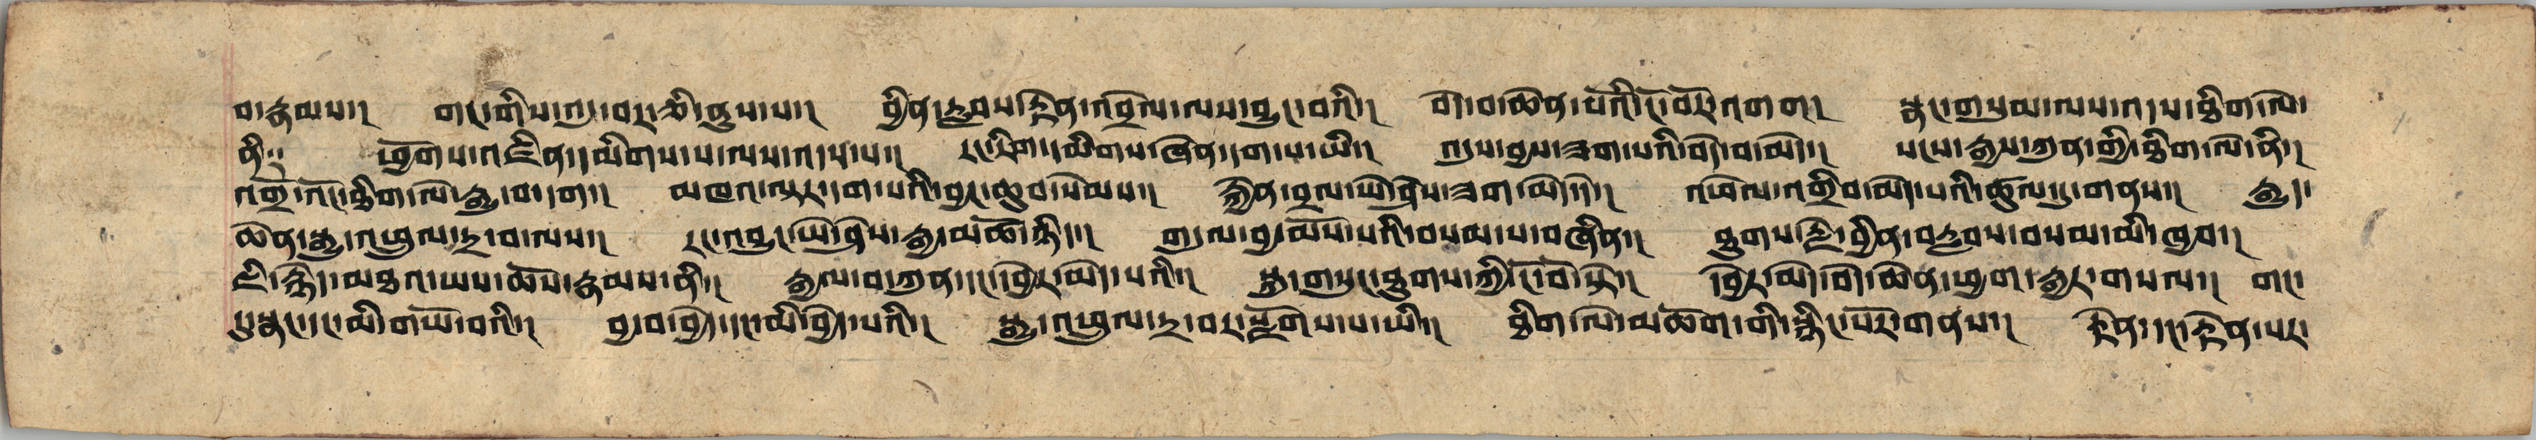བ་རྣམས་། གང་གིས་འདུ་བར་ཅི་ནུས་པ་། བྱིན་རླབས་རྟེན་འབྲེལ་ལས་བྱུང་བའི་། བདེ་བ་ཆེན་པོའི་ངོ་བོར་འགག། སྣང་གསུམ་ལས་འདས་ཐིག་ལེ་
ནི༑ ཕྱོགས་འཛིན་དམིགས་པ་ལས་འདས་པ་། རང་རིག་དམིགས་ཞེན་དག་པ་ཡི་། འདུས་བྱས་ཟག་པའི་བདེ་བ་མེད་། སངས་རྒྱས་ཀུན་གྱི་ཐིག་ལེ་ནི་།
འགྲོ་འོང་ཐིག་ལེ་རྒྱུ་བ་དག་། མཁའ་ལྟར་དག་པའི་བྱང་ཆུབ་སེམས་། རྐྱེན་བྲལ་ཡེ་ཤེས་ཟག་མེད་དེ་། འཕེལ་འགྲིབ་མེད་པའི་ཚུལ་དུ་གནས་། རྒྱུད་
ཆེན་སྒྱུ་འཕྲུལ་དྲ་བ་ལས་། རང་བྱུང་ཡེ་ཤེས་རྒྱ་མཚོ་ཉིད་། གདུལ་བྱ་མོས་པའི་བསམ་པ་བཞིན་། ཐུགས་རྗེ་བྱིན་བརླབས་་བསམ་མི་ཁྱབ་།
ཇི་རྙེད་མཐའ་ཡས་ཆོས་རྣམས་ནི་། རྒྱལ་བ་ཀུན་དང་དབྱེར་མེད་པའི་། སྐུ་གསུང་ཐུགས་ཀྱི་ངོ་བོ་སྟེ་། དབྱེར་མེད་བདེ་ཆེན་ཕྱག་རྒྱར་གསལ་། གང་
དུ་སྣང་དང་མི་གཡོ་བའི་། བྱ་བ་བྱེད་དང་མི་བྱེད་པའི་། སྒྱུ་འཕྲུལ་དྲ་བར་སྫོགས་པ་ཡི་། ཐིག་ལེ་མཆོག་གི་སྙིང་པོར་གནས་། རྟེན་དང་རྟེན་པར་